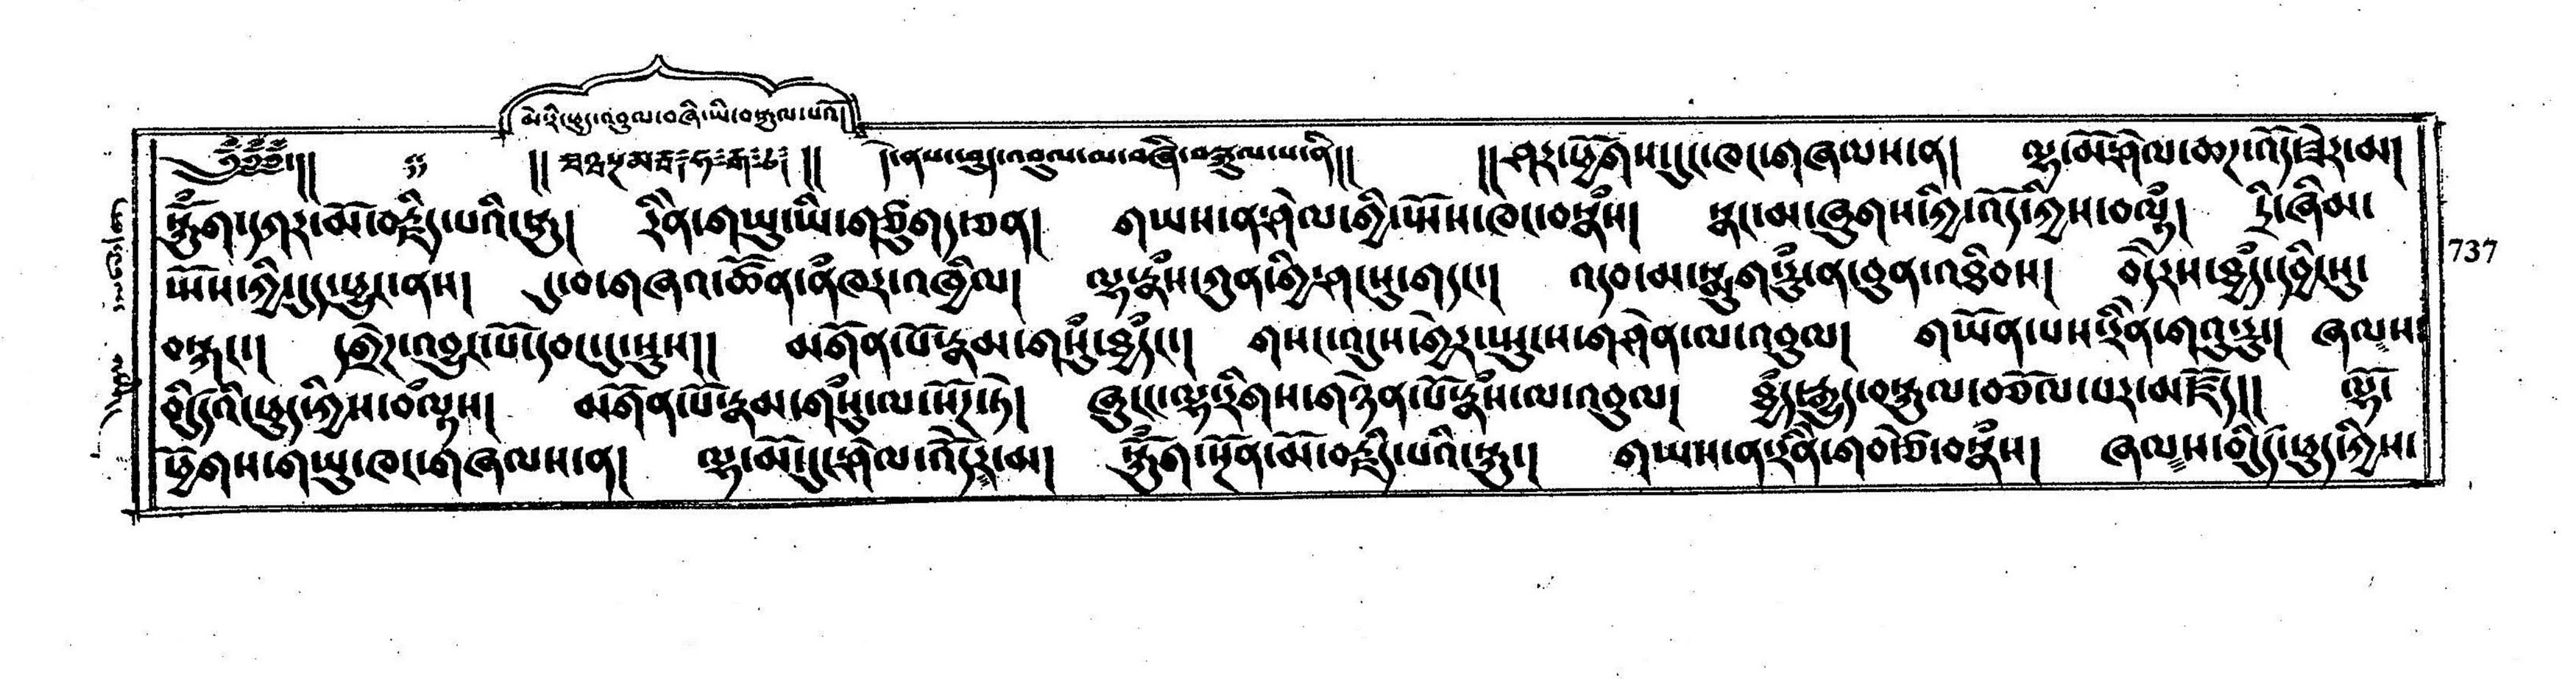མེ་རི་ཕུད་འབུལ་བཞི་ཡི་བསྐུལ་པའོ།༄༅༅།། དེ་ནས་ཕུད་འབུལ་མ་བཞི་བསྐུལ་པ་ནི།། །།ཤར་ཕྱོགས་དུང་ཁང་གཞལ་ཡས་ན། ལྷ་མོ་ཤེལ་ཆགས་འོད་ཟེར་མ། 
སྐུ་མདོག་དཀར་མོ་བརྗིད་པའི་སྐུ། རིན་ཆེན་གཡུ་ཡི་གཙུག་ཕུད་ཅན། གཡས་ན་ཤེལ་གྱི་སྤོས་ཁང་བསྣམས། སྣང་མ་ཞུགས་ཀྱི་འོད་ཀྱིས་བལྟམ། དྲི་ཞིམ་
སྤོས་ཀྱི་དུད་ཕྱུང་ནས། དུ་བ་གཞའ་ཚོན་ནམ་མཁར་འཁྱིལ། ལྷ་རྣམས་ཀུན་གྱི་ཤངས་སུ་གདང་། འདབ་མ་སྨུག་རུཾ་ན་བུན་འཐིབས། བདེར་གཤེགས་ཐུགས་དམ་དབྱིངས་སུ་
བསྐང་། དགྲ་བགེགས་འབྱུང་པོ་དབང་དུ་བསྡུས།། མགོན་པོ་རྣམ་གསུམ་ཐུགས་དམ་བསྐང་། གསང་འདུས་གྱེར་སྤུངས་གཤེན་ལ་འབུལ། གཡོན་པས་རིན་ཆེན་གའུ་རུ། ཞལ་ཟས་
བདུད་རྩིའི་ཕུད་ཀྱིས་བལྟམས། མགོན་པོ་རྣམ་གསུམ་ལ་སོགས་ཏེ། ཞང་ཞུང་ལྷ་རིགས་གཉེན་པོ་རྣམས་ལ་འབུལ། ཐུགས་དམ་རྒྱུད་བསྐུལ་བཅོལ་པར་མཛོད།། ལྷོ་
ཕྱོགས་གཡུ་ཁང་གཞལ་ཡས་ན། ལྷ་མོ་དུང་ཤེལ་འོད་ཟེར་མ། སྐུ་མདོག་སྔོན་མོ་བརྗིད་པའི་སྐུ། གཡས་ན་རིན་ཆེན་གབ་ཙེ་བསྣམས། ཞལ་ཟས་བདུད་རྩི་ཕུད་ཀྱིས་